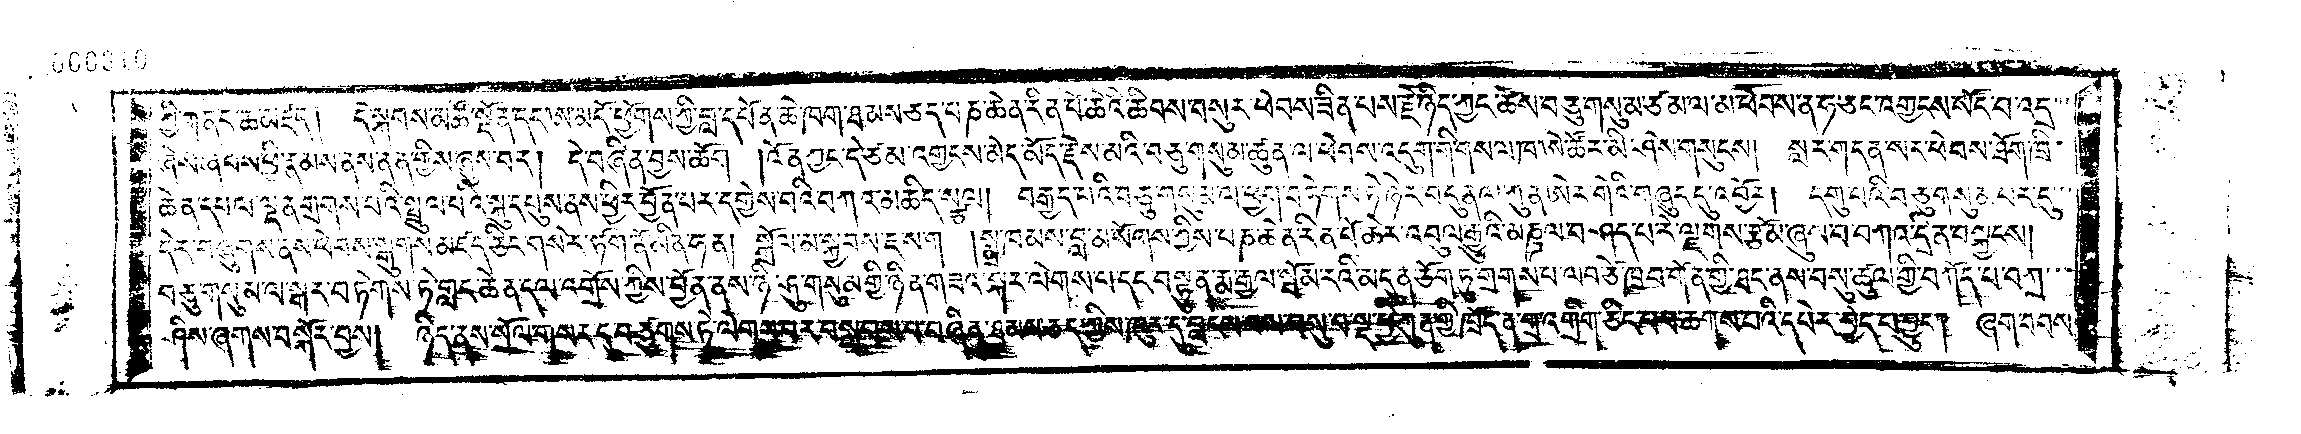ཀྱི་གནང་ཆ་མཛད། དེ་སྐབས་མཚོ་སྔོན་དང་ཨ་མདོ་ཕྱོགས་ཀྱི་བླ་དཔོན་ཆེ་ཁག་ཐམས་ཅད་པཎ་ཆེན་རིན་པོ་ཆེའི་ཆིབས་བསུར་ཕེབས་ཟིན་པས་རྗེ་ཉིད་ཀྱང་ཆོས་བཅུ་གསུམ་ཙམ་ལ་མ་ཕེབས་ན་ཧ་ཅང་འགྱངས་སོང་བ་འདྲ་
ཞེས་ཞབས་ཕྱི་རྣམས་ནས་ནན་གྱིས་ཞུས་པར། དེ་བཞིན་བྱས་ཆོག །འོ་ན་ཀྱང་དེ་ཙམ་འབྱངས་མེད་མོད་རྗེས་མའི་བཅུ་གསུམ་ཚུན་ལ་ཕེབས་འདུག་གི་གསལ་ཁ་ཨེ་ཚོར་མི་ཤེས་གསུངས། སླར་གདན་སར་ཕེབས་ཐོག་ཁྲི་
ཆེན་དཔལ་ལྡན་གྲགས་པའི་སྤྲུལ་པའི་སྐུ་དབུས་ནས་ཕྱིར་བྱོན་པར་དགྱེས་པའི་བཀའ་མཆིད་སྩལ། བརྒྱད་པའི་བཅུ་གསུམ་ལ་ཕྱག་བཏེགས་ཏེ་ཉེར་བདུན་ལ་ཀུན་ཨེར་གེའི་གཞུང་དུ་འབྱོར། དགུ་པའི་བཅུ་གསུམ་པར་དུ་
དེར་བཞུགས་ནས་ཕེབས་སྒུགས་མཛད་ཅིང་གསེར་ཏོག་ནོ་མིན་ཧན། སྒྲོལ་མ་སྐྱབས་ཇ་སག །སྨྲ་ཁམས་བླ་མ་སོགས་ཀྱིས་པཎ་ཆེན་རིན་པོ་ཆེར་འབུལ་རྒྱུའི་མཎྜལ་བཤད་པར་ལྗགས་རྩོམ་ཞུས་པ་བཀའ་དྲིན་བསྐྱངས།
བཅུ་གསུམ་ལ་སྒར་བཏེགས་ཏེ་གླང་ཆེན་དལ་འགྲོས་ཀྱིས་བྱོན་ནས་ཉི་ཤུ་གསུམ་གྱི་ཉིན་གཟའ་སྐར་ལེགས་པ་དང་བསྟུན་རྨ་རྒྱལ་སྦོམ་རའི་མདུན་ཅོག་ཏུ་གྲགས་པ་ལབ་རྩེ་ཁྲ་བ་གོན་གྱི་ཐང་ནས་བསུ་ཚུལ་གྱི་བཀོད་པ་བཀྲ་
ཤིས་ཞབས་བསྐོར་བྱས། ཉིད་ནས་སྲོལ་གསར་དུ་བཙུགས་ཏེ་ལེགས་པར་བསླབས་པ་བཞིན་ཐམས་ཅད་ཀྱིས་ཁུར་དུ་བླངས་པས་བསུ་བ་སྔ་ཕྱི་ཀུན་གྱི་ཁྲོད་ན་གྲ་འགྲིག་ཅིང་བབ་ཆགས་པའི་དཔེར་བྱེད་པ་བྱུང་། ཞག་བབས་